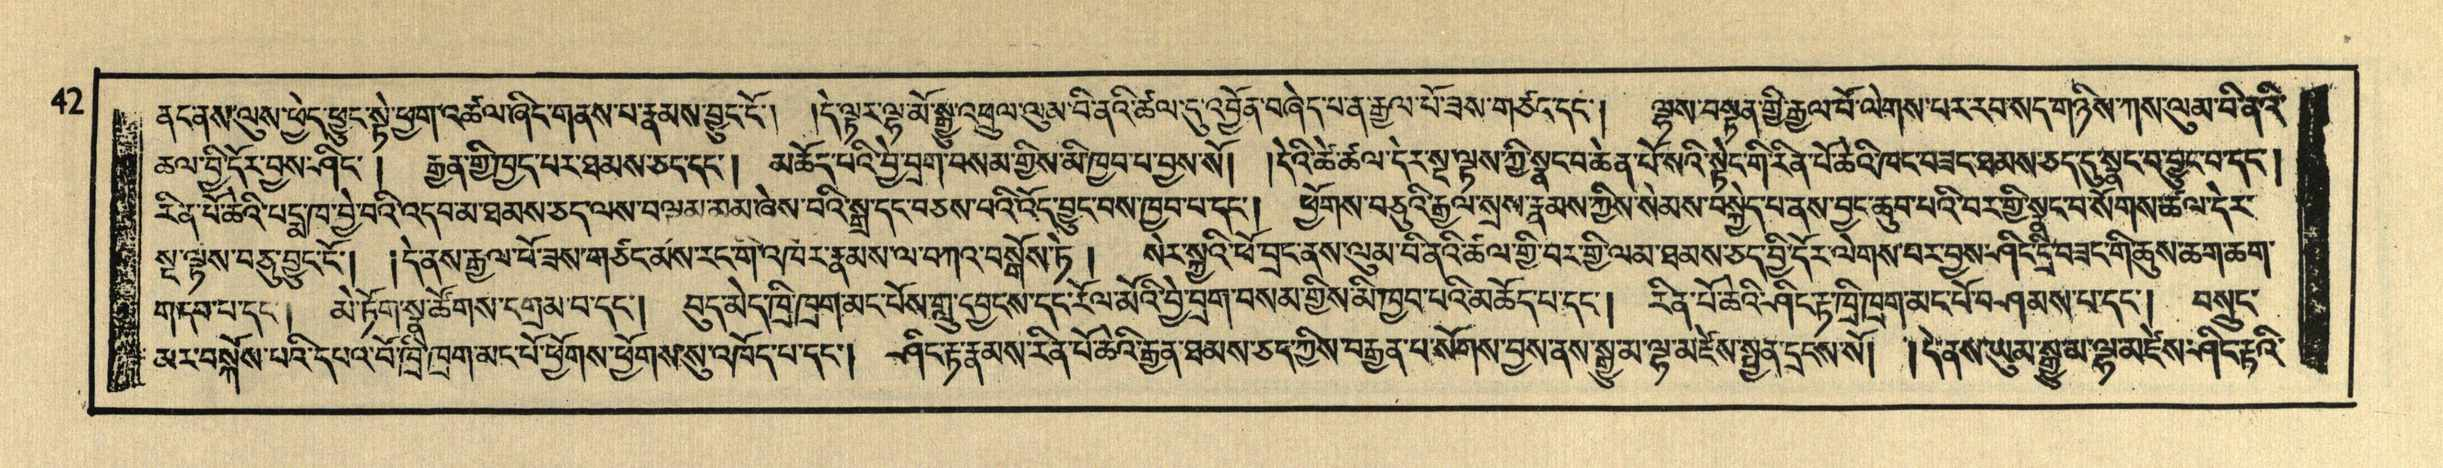ནང་ནས་ལུས་ཕྱེད་ཕྱུང་སྟེ་ཕྱག་འཚལ་ཞིང་གནས་པ་རྣམས་བྱུང་ངོ། །དེ་ལྟར་ལྷ་མོ་སྒྱུ་འཕྲུལ་ལུམ་བི་ནའི་ཚལ་དུ་འབྱོན་བཞེད་པ་ན་རྒྱལ་པོ་ཟས་གཙང་དང་། ལྷས་བསྟན་གྱི་རྒྱལ་པོ་ལེགས་པར་རབ་སད་གཉིས་ཀས་ལུམ་བི་ནའི་
ཆལ་བྱི་དོར་བྱས་ཤིང་། རྒྱན་གྱི་ཁྱད་པར་ཐམས་ཅད་དང་། མཆོད་པའི་བྱེ་བྲག་བསམ་གྱིས་མི་ཁྱབ་པ་བྱས་སོ། །དེའི་ཚེ་ཚལ་དེར་སྔ་ལྟས་ཀྱི་སྣང་བ་ཆེན་པོ་སའི་སྟེང་གི་རིན་པོ་ཆེའི་ཁང་བཟང་ཐམས་ཅད་དུ་སྣང་བ་བྱུང་བ་དང་།
རིན་པོ་ཆེའི་པདམ་ཁ་བྱེ་བའི་འདབ་མ་ཐམས་ཅད་ལས་བལྟམ་མམ་ཞེས་པའི་སྒྲ་དང་བཅས་པའི་འོད་དུ་བྱུང་བས་ཁྱབ་པ་དང་། ཕྱོགས་བཅུའི་རྒྱལ་སྲས་རྣམས་ཀྱིས་སེམས་བསྐྱེད་པ་ནས་བྱང་ཆུབ་པའི་བར་གྱི་སྣང་བ་སོགས་ཚལ་དེར་
སྔ་ལྟས་བཅུ་བྱུང་ངོ། །དེ་ནས་རྒྱལ་པོ་ཟས་གཙང་མས་རང་གི་འཁོར་རྣམས་ལ་བཀའ་བསྒོས་ཏེ། སེར་སྐྱའི་ཕོ་བྲང་ནས་ལུམ་བི་ནའི་ཚལ་གྱི་བར་གྱི་ལམ་ཐམས་ཅད་བྱི་དོར་ལེགས་པར་བྱས་ཤིང་དྲི་བཟང་གི་ཆུས་ཆག་ཆག་
གདབ་པ་དང་། མེ་ཏོག་སྣ་ཚོགས་དགྲམ་བ་དང་། བུད་མེད་ཁྲི་ཁྲག་མང་པོས་གླུ་དབྱངས་དང་རོལ་མོའི་བྱེ་བྲག་བསམ་གྱིས་མི་ཁྱབ་པའི་མཆོད་པ་དང་། རིན་པོ་ཆེའི་ཤིང་རྟ་ཁྲི་ཁྲག་མང་པོ་བཤམས་པ་དང་། བསྲུང་
མར་བསྐོས་པའི་དཔའ་བོ་ཁྲི་ཁྲག་མང་པོ་ཕྱོགས་ཕྱོགས་སུ་འཁོད་པ་དང་། ཤིང་རྟ་རྣམས་རིན་པོ་ཆེའི་རྒྱན་ཐམས་ཅད་ཀྱིས་བརྒྱན་པ་སོགས་བྱས་ནས་སྒྱུ་མ་ལྷ་མཛེས་སྤྱན་དྲངས་སོ། །དེ་ནས་ཡུམ་སྒྱུ་མ་ལྷ་མཛེས་ཤིང་རྟའི་